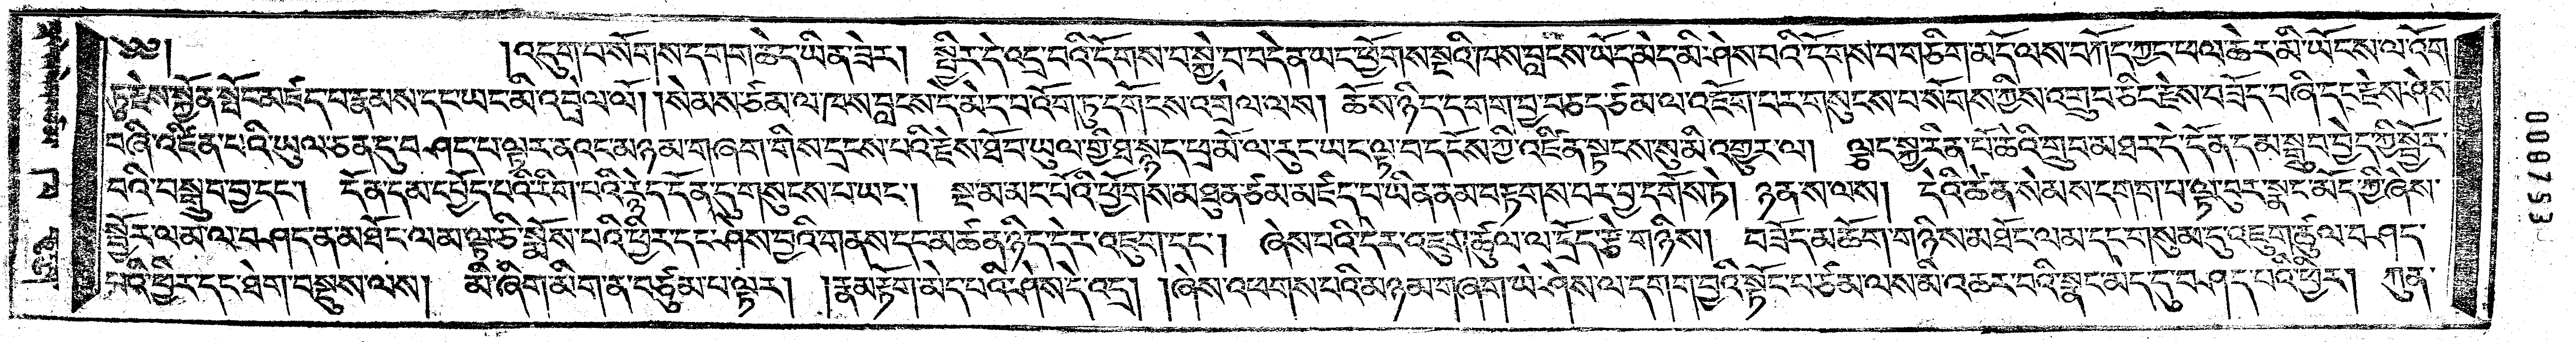༄༅། །འདུག་པ་སོགས་དགག་ཆེད་ཡིན་ཟེར། སྤྱིར་དེ་འདྲ་བའི་དོགས་པ་སྐྱེ་བ་བདེན་ཡང་ཕྱོགས་སྔའི་ཁས་བླངས་ཡོད་མེད་མི་ཤེས་པའི་དོགས་པ་གཅིག་མདོ་ལས་བཀོད་ཀྱང་ཕལ་ཆེར་མི་ཡོངས་ལ་འོག་
ཏུ་རྗེས་སྐྱོན་སྤོང་མཛད་པ་རྣམས་དང་ཡང་མི་འབྲེལ་ལོ། །སེམས་ཙམ་ལ་ཁས་བླངས་དེ་མེད་པ་འོག་ཏུ་དགོངས་འགྲེལ་ལས། ཆོས་ཉིད་དགག་བྱ་བཅད་ཙམ་ལ་འཇོག་པར་གསུངས་པ་སོགས་ཀྱིས་འགྲུབ་ཅིང་རྗེས་བཟོད་བཞི་དང་རྗེས་ཤེས་
བཞི་འཛིན་པའི་ཡུལ་ཅན་དུ་བཤད་པ་ལྟར་ནའང་མཉམ་གཞག་གིས་དྲངས་པའི་རྗེས་ཐོབ་ཡུལ་གྱི་ཐ་སྙད་ཕྲ་མོ་ལ་རུང་ཡང་ལྟ་བ་དངོས་ཀྱི་འཛིན་སྟངས་སུ་མི་འགྱུར་ལ། ལྕང་སྐྱ་རིན་པོ་ཆེའི་གྲུབ་མཐར་དེ་དོན་དམ་སྒྲུབ་བྱེད་ཀྱི་སྦྱོར་
བའི་བསྒྲུབ་བྱ་དང་། དོན་དམ་དཔྱོད་པའི་རིག་པའི་རྙེད་དོན་དུ་གསུངས་པ་ཡང་། སྔ་མ་མང་པོའི་ཕྱོགས་མཐུན་ཙམ་མཛད་པ་ཡིན་ནམ་བརྟགས་པར་བྱ་དགོས་ཏེ། ཉན་ས་ལས། དེའི་ཚེ་ན་སེམས་དགག་པ་ལྟ་བུར་སྣང་མོད་ཀྱི་ཞེས་
སྦྱོར་ལམ་ལ་བཤད་ན་མཐོང་ལམ་ལྟ་ཅི་སྨོས་པའི་ཕྱིར་དང་ཤེས་བྱའི་གནས་དང་མཚན་ཉིད་དེར་འཇུག་དང་། ཞེས་པའི་དེར་འཇུག་ཚུལ་ལ་དྲོད་རྩེ་གཉིས། བཟོད་མཆོག་གཉིས་མཐོང་ལམ་དང་གསུམ་དུ་འཇུག་ཚུལ་བཤད་
པའི་ཕྱིར་དང་ཐེག་བསྡུས་ལས། མི་ཞིག་མིག་ན་བཙུམ་པ་ལྟར། །རྣམ་རྟོག་མེད་པའི་ཤེས་དེ་འདྲ། །ཞེས་འཕགས་པའི་མཉམ་གཞག་ཡེ་ཤེས་ལ་དགག་བྱའི་སྟོང་པ་ཙམ་ལས་མི་འཆར་བའི་སྣང་མེད་དུ་བཤད་པའི་ཕྱིར། ཀུན་